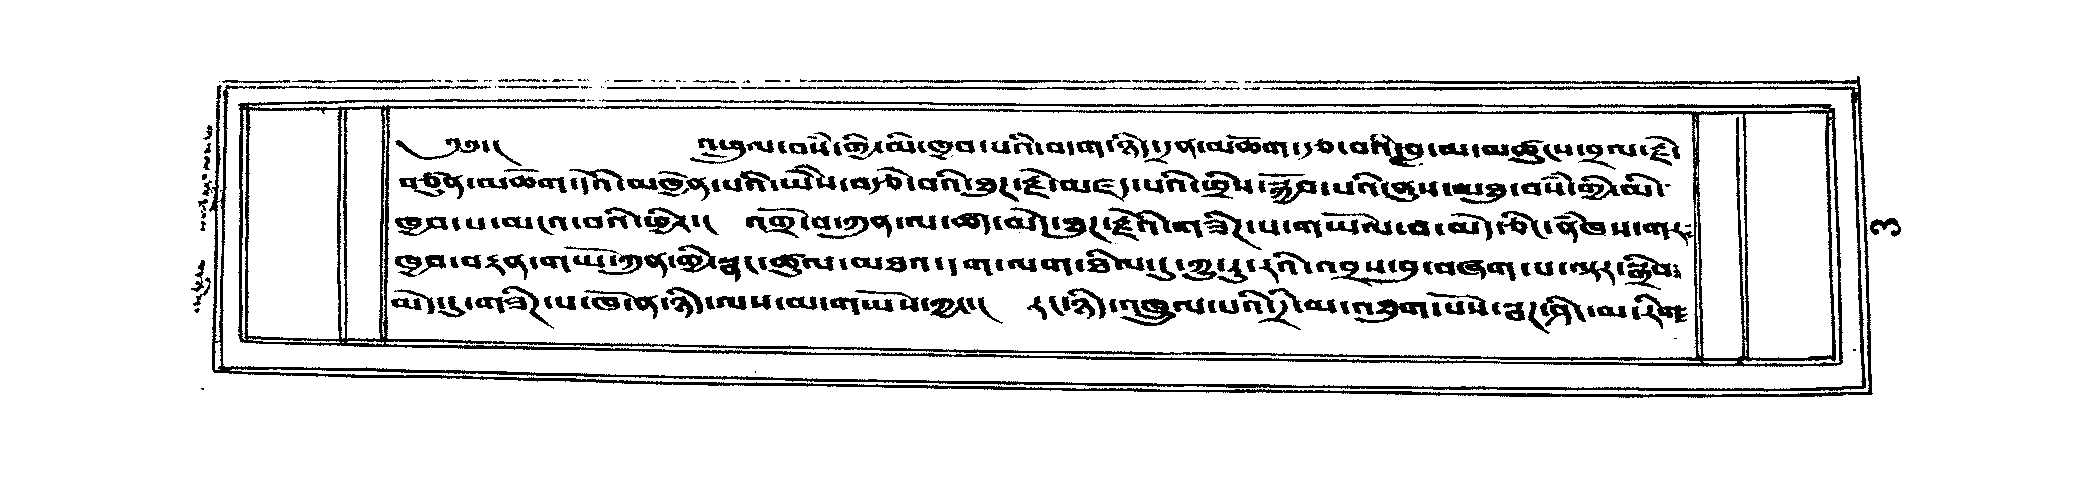འཕྲུལ་བསམ་གྱི་མི་ཁྱབ་པའི་བདག་ཉིད་འདྲེན་མཆོག་རྩ་བའི་བླ་མ་མཚུངས་བྲལ་རྗེ་
བཙུན་མཆོག་དེའི་མཁྱེན་པའི་ཡེ་ཤེས་བརྩེ་བའི་ཐུགས་རྗེ་མཛད་པའི་ཕྲིན་ལས་སྐྱོབ་པའི་ནུས་མཐུ་བསམ་གྱི་མི་
ཁྱབ་པ་མངའ་བའི་ཕྱིར། འགྲོ་བ་ཀུན་ལ་ཚད་མེད་ཐུགས་རྗེའི་གཟིགས་པ་གཡོལ་བ་མེད་ཅིང་ནམ་མཁས་གར་
ཁྱབ་བརྟན་གཡོ་ཀུན་གྱིས་སྣང་ཚུལ་མཐའ་དག་ལག་ཐིལ་ཏུ་ཀྱུ་རུ་རའི་འབྲས་བུ་བཞག་པ་ལྟར་སྒྲིབ་
མེད་དུ་གཟིགས་པ་ཁོ་ན་ཉིད་ལས་མ་གཡོས་ཀྱང་། རང་ཉིད་འཁྲུལ་པའི་དྲི་མ་འཐུག་པོས་སྦགས་ཤིང་མ་རིག་